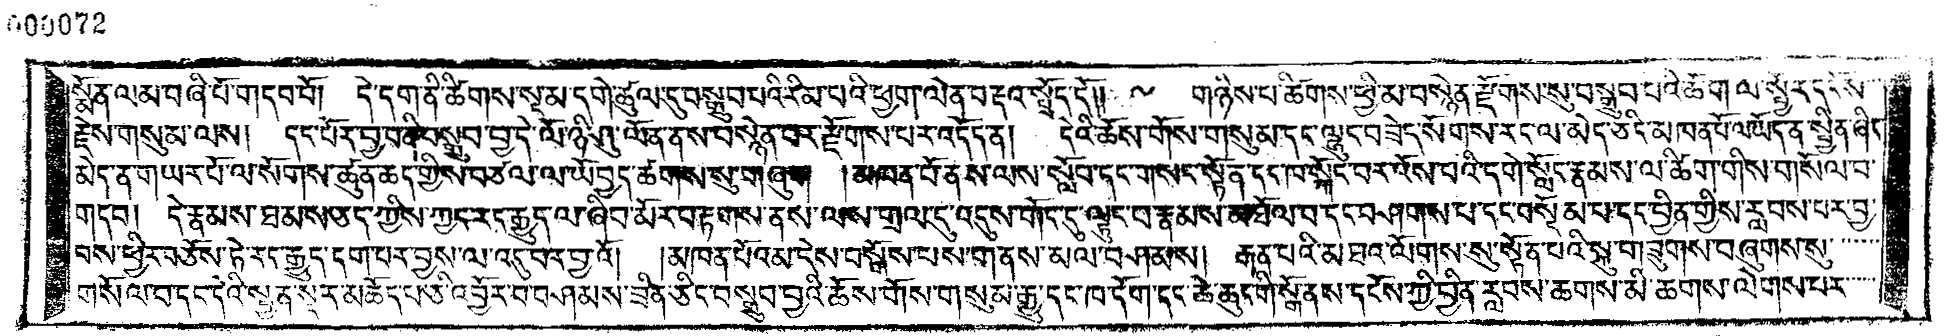སྨོན་ལམ་བཞི་པོ་གདབ་བོ། དེ་དག་ནི་ཚིགས་སྔ་མ་དགེ་ཚུལ་དུ་བསྒྲུབ་པའི་རིམ་པའི་ཕྱག་ལེན་བརྡའ་སྤྲོད་དོ།། ༧་གཉིས་པ་ཚིགས་ཕྱི་མ་བསྙེན་རྫོགས་སུ་བསྒྲུབ་པའི་ཆོ་ག་ལ་སྦྱོར་དངོས་
རྗེས་གསུམ་ལས། དང་པོར་བྱ་བ་ནི་བསྒྲུབ་བྱ་དེ་ལོ་ཉི་ཤུ་ལོན་ནས་བསྙེན་པར་རྫོགས་པར་འདོད་ན། དེའི་ཆོས་གོས་གསུམ་དང་ལྷུང་བཟེད་སོགས་རང་ལ་མེད་ཅིང་མཁན་པོ་ལ་ཡོད་ན་སྦྱིན་ཞིང་
མེད་ན་གཡར་པོ་ལ་སོགས་ཚུན་ཆད་ཀྱིས་བཙལ་ལ་ཡོ་བྱད་ཚགས་སུ་གཞུག །མཁན་པོ་ནས་ལས་སློབ་དང་གསང་སྟོན་དང་ཁ་སྐོང་བར་འོས་པའི་དགེ་སློང་རྣམས་ལ་ཚིག་གིས་གསོལ་བ་
གདབ། དེ་རྣམས་ཐམས་ཅད་ཀྱིས་ཀྱང་རང་རྒྱུད་ལ་ཞིབ་མོར་བརྟགས་ནས་ལས་གྲལ་དུ་འདུས་གོང་དུ་ལྟུང་བ་རྣམས་མཐོལ་བ་དང་བཤགས་པ་དང་བསྡོམ་པ་དང་བྱིན་གྱིས་རླབས་པར་བྱ་
བས་ཕྱིར་བཅོས་ཏེ་རང་རྒྱུད་དག་པར་བྱས་ལ་འདུ་བར་བྱའོ། །མཁན་པོའམ་དེས་བསྒོས་པས་གནས་མལ་བཤམས། རྒན་པའི་མཐའ་ལོགས་སུ་སྟོན་པའི་སྐུ་གཟུགས་བཞུགས་སུ་
གསོལ་བ་དང་དེའི་སྤྱན་སྔར་མཆོད་པ་ཅི་འབྱོར་བ་བཤམས་ཟིན་ཅིང་བསྒྲུབ་བྱའི་ཆོས་གོས་གསུམ་རྒྱུ་དང་ཁ་དོག་དང་ཆེ་ཆུང་གི་སྒོ་ནས་དངོས་ཀྱི་བྱིན་རླབས་ཆགས་མི་ཆགས་ལེགས་པར་